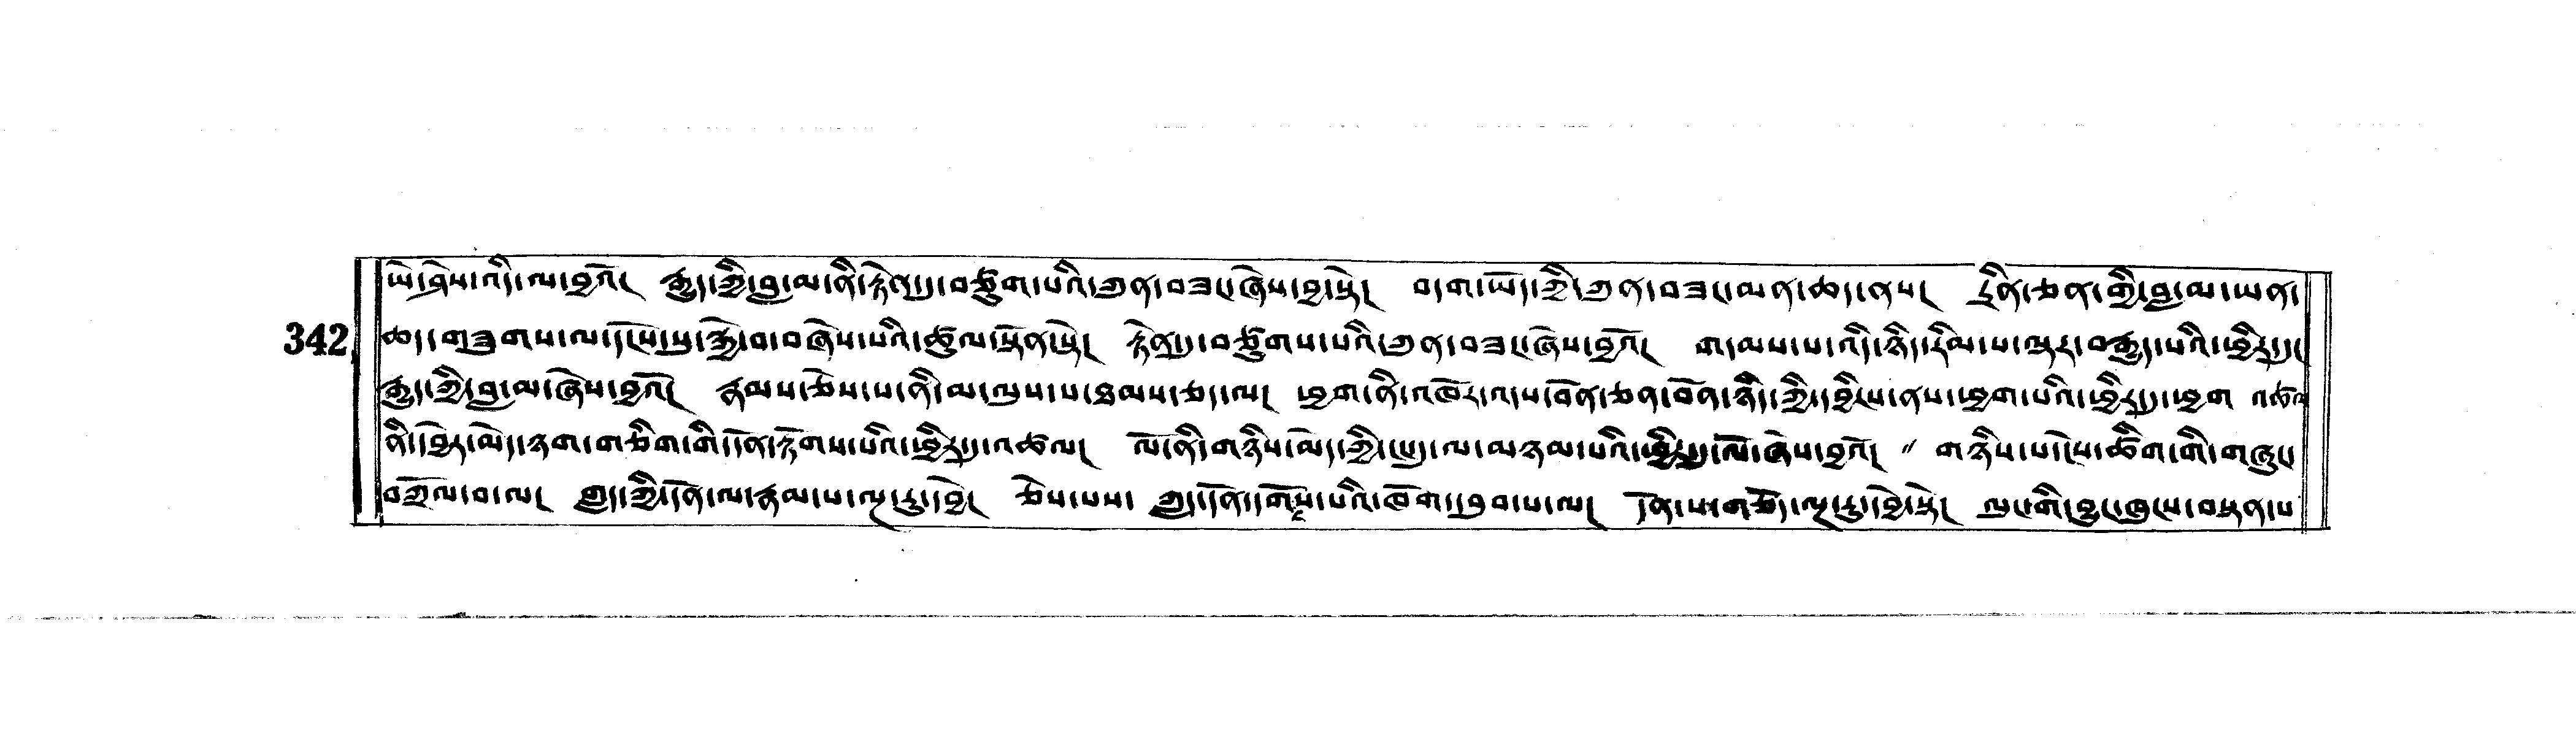ཡེ་ཤེས་འདི་ལ་བྱའོ། རྒྱུད་ཀྱི་བླ་མ་ནི་རྟེན་དུ་བཙུགས་པའི་ཀུན་བཟང་ཞེས་བྱ་སྟེ། བདག་ཡོད་ཀྱི་ཀུན་བཟང་མན་ཆད་ནས་དྲིན་ཅན་གྱི་བླ་མ་ཡན་
ཆད་གཟུགས་ལ་དངོས་སུ་སྐྱེ་བ་བཞེས་པའི་ཚུལ་སྟོན་ཏེ། རྟེན་དུ་བཙུགས་པའི་ཀུན་བཟང་ཞེས་བྱའོ། གདམས་པ་འདི་ཉིད་རིམ་པ་ལྟར་བརྒྱུད་པའི་ཕྱིར་དུ་
རྒྱུད་ཀྱི་བླ་མ་ཞེས་བྱའོ། རྣམས་ཅེས་པ་ནི་མ་ལུས་པ་ཐམས་ཅད་ལ། ཕྱག་ནི་འཁོར་འདས་བོན་ཅན་བོན་ཉིད་ཀྱི་དབྱིངས་ནས་ཕྱག་པའི་ཕྱག འཚལ་
ནི་དབྱེར་མེད་ཉག་ཅིག་གི་དོན་རྟོགས་པའི་ཕྱིར་དུ་འཚལ། ལོ་ནི་གཉིས་མེད་ཀྱི་ངང་དུ་ལ་མཉམ་པའི་ཕྱིར་དུ་ལོ་ཞེས་བྱའོ། ༧ གཉིས་པ་ངེས་ཚིག་གི་གཞུང་
བཀྲོལ་བ་ལ། ཀླད་ཀྱི་དོན་ལ་རྣམ་པ་ལྔ་རུ་དབྱེ། ཅེས་པས། ཀླད་དོན་དགོངས་པའི་ཁོག་དབུབས་པ་ལ། དོན་ས་གཅོད་ལྔ་རུ་དབྱེ་སྟེ། ལུང་གི་བྱུང་ཁུངས་བསྟན་པ་